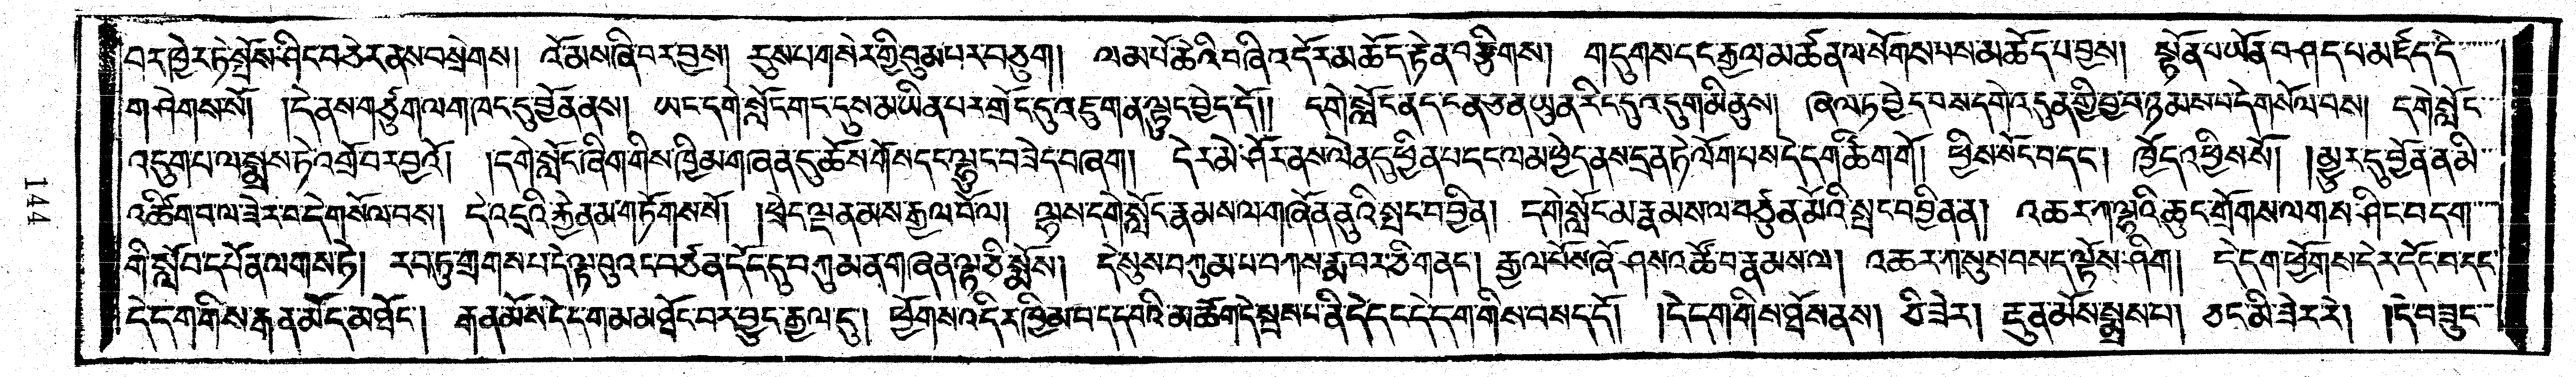བར་ཁྱེར་ཏེ་སྤོས་ཤིང་བཅེར་ནས་བསྲེགས། འོ་མས་ཞི་བར་བྱས། རུས་པ་གསེར་གྱི་བུམ་པར་བཅུག། ལམ་པོ་ཆེའི་བཞི་འདོར་མཆོད་རྟེན་བརྩིགས། གདུགས་དང་རྒྱལ་མཚན་ལ་སོགས་པས་མཆོད་པ་བྱས། སྟོན་པ་ཡོན་བཤད་པ་མཛད་དེ་
གཤེགས་སོ། །དེ་ནས་གཙུག་ལག་ཁང་དུ་བྱོན་ནས། ཡང་དགེ་སློང་གང་དུས་མ་ཡིན་པར་གྲོང་དུ་འཇུག་ན་ལྟུང་བྱེད་དོ། དགེ་སློང་ནད་ངན་ཅན་ཡུན་རིང་དུ་འདུག་མི་ནུས། ཞལ་ཏ་བྱེད་བས་དགེ་འདུན་གྱི་བྱ་བ་ཉམས་པ་དེ་གསོལ་བས། དགེ་སློང་
འདུག་པ་ལ་སྨྲས་ཏེ་འགྲོ་བར་བྱའོ། །དགེ་སློང་ཞིག་གིས་ཁྱིམ་གཞན་དུ་ཆོས་གོས་དང་ལྷུང་བཟེད་བཞག། དེར་མེ་ཤོར་ནས་ལེན་དུ་ཕྱིན་པ་དང་ལམ་ཕྱེད་ནས་དྲན་ཏེ་ལོག་པས་དེ་དག་ཚིག་གོ། ཕྱིས་སོང་བ་དང་། ཁྱོད་འཕྱིས་སོ། །མྱུར་དུ་བྱོན་ན་མི་
འཚིག་བ་ལ་ཟེར་བ་དེ་གསོལ་བས། དེ་འདྲའི་རྐྱེན་མ་གཏོགས་སོ། །ཕྲེང་ལྡན་མས་རྒྱལ་བོ་ལ། ལྷས་དགེ་སློང་རྣམས་ལ་གཞོན་ནུའི་སྤང་བ་བྱིན། དགེ་སློང་མ་རྣམས་ལ་བཙུན་མོའི་སྤང་བ་བྱིན་ན། འཆར་ཀ་ལྷའི་ཆུང་གྲོགས་ལགས་ཤིང་བདག་
གི་སློབ་དཔོན་ལགས་ཏེ། རབ་ཏུ་གྲགས་པ་དེ་ལྟ་བུའང་བཙན་དོང་དུ་བཀུམ་ན་གཞན་ལྟ་ཅི་སྨོས། དེ་སུས་བཀུམ་པ་བཀས་རྨ་བར་ཅི་གནང་། རྒྱལ་པོས་ཞོ་ཤས་འཚོ་བ་རྣམས་ལ། འཆར་ཀ་སུས་བསད་ལྟོས་ཤིག། དེ་དག་ཕྱོགས་དེར་དོང་བ་དང་
དེ་དག་གིས་རྒན་མོད་མཐོང་། རྒན་མོས་དེ་དག་མ་མཐོང་བར་བྱུང་རྒྱལ་དུ། ཕྱོགས་འདིར་ཁྱིམ་པ་དད་བའི་མཆོག་དེ་སྦས་པ་ནི་དེ་དང་དེ་དག་གིས་བསད་དོ། །དེ་དག་གིས་ཐོས་ནས། ཅི་ཟེར། རྡུན་མོས་སྨྲས་པ། ཅང་མི་ཟེར་རེ། །དེ་བཟུང་